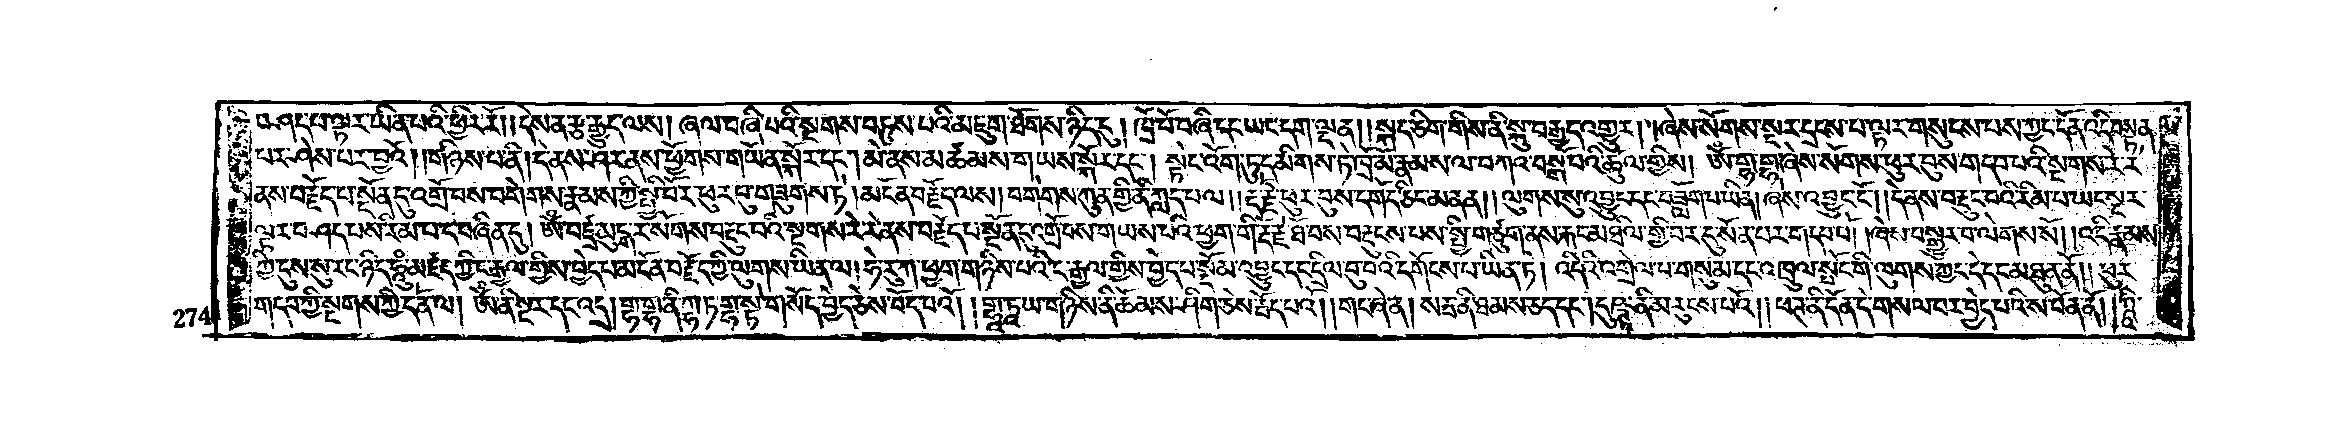བཤད་པ་ལྟར་ཡིན་པའི་ཕྱིར་རོ། །དེས་ན་རྩ་རྒྱུད་ལས། ཞལ་བཞི་པའི་སྔགས་བཏུས་པའི་མཇུག་ཐོགས་ཉིད་དུ། ཁྲོ་བོ་བཞི་དང་ཡང་དག་ལྡན། །སྐད་ཅིག་གིས་ནི་སྐུ་བརྒྱད་འགྱུར། །ཞེས་སོགས་སྔར་དྲངས་པ་ལྟར་གསུངས་པས་ཀྱང་དོན་འདི་བསྟན་
པར་ཤེས་པར་བྱའོ། །གཉིས་པ་ནི། དེ་ནས་ཤར་ནས་ཕྱོགས་གཡོན་སྐོར་དང་། མེ་ནས་མཚམས་གཡས་སྐོར་དང་། སྟེང་འོག་ཏུ་དམིགས་ཏེ་ཁྲོ་མོ་རྣམས་ལ་བཀའ་བསྒོ་བའི་ཚུལ་གྱིས། ཨོཾ་གྷ་གྷ་ཞེས་སོགས་ཕུར་བུས་གདབ་པའི་སྔགས་རེ་རེ་
ནས་བརྗོད་པ་སྔོན་དུ་འགྲོ་བས་བགེགས་རྣམས་ཀྱི་སྤྱི་བོར་ཕུར་བུ་གཟུགས་ཏེ། མངོན་བརྗོད་ལས། བགེགས་ཀུན་གྱི་ནི་ཀླད་པ་ལ། །རྡོ་རྗེ་ཕུར་བུས་དགོད་ཅིང་མནན། །ལུགས་སུ་འབྱུང་དང་བཟློག་པ་ཡིན། ཞེས་འབྱུང་ངོ། །དེ་ནས་བརྡུང་བའི་རིམ་པ་ཡང་སྔར་
ལྟར་བཤད་པས་རིམ་པ་དེ་བཞིན་དུ། ཨོཾ་བཛྲ་མུངྒར་སོགས་བརྡུང་བའི་སྔགས་རེ་རེ་ནས་བརྗོད་པ་སྔོན་དུ་འགྲོ་བས་གཡས་པའི་ཕྱག་གི་རྡོ་རྗེ་ཐོ་བས་བརྡུངས་པས་སྤྱི་གཙུག་ནས་རྐང་མཐིལ་གྱི་བར་དུ་སོན་པར་གདབ་བོ། །ཞེས་བསྒྱུར་བ་ལེགས་སོ། །འདི་རྣམས་
ཀྱི་དུས་སུ་རང་ཉིད་ཧཱུཾ་མཛད་ཀྱི་ང་རྒྱལ་གྱིས་བྱེད་པ་མངོན་བརྗོད་ཀྱི་ལུགས་ཡིན་ལ། ཧེ་རུ་ཀ་ཕྱག་གཉིས་པའི་ང་རྒྱལ་གྱིས་བྱེད་པ་སྡོམ་འབྱུང་དང་དྲིལ་བུ་བའི་དགོངས་པ་ཡིན་ཏེ། འདིའི་འགྲེལ་པ་གསུམ་དང་འཁྲུལ་སྤོང་གི་ལུགས་ཀྱང་དེ་དང་མཐུན་ནོ། །ཕུར་
གདབ་ཀྱི་སྔགས་ཀྱི་དོན་ལ། ཨོཾ་ནི་སྔར་དང་འདྲ། གྷ་གྷ་ནི་གྷ་ཏ་གྷ་སྟེ་གསོད་བྱེད་ཅེས་བོད་པའོ། །གྷཱ་ཏཱ་ཡ་གཉིས་ནི་ཆོམས་ཤིག་ཅེས་རྦོད་པའོ། །གང་ཞེ་ན། སརྦ་ནི་ཐམས་ཅད་དང་། དུཥྚཱ་ནི་མ་རུངས་པའོ། །ཕཊ་ནི་དོན་དེ་གསལ་བར་བྱེད་པའི་ས་བོན་ནོ། །ཀཱི་